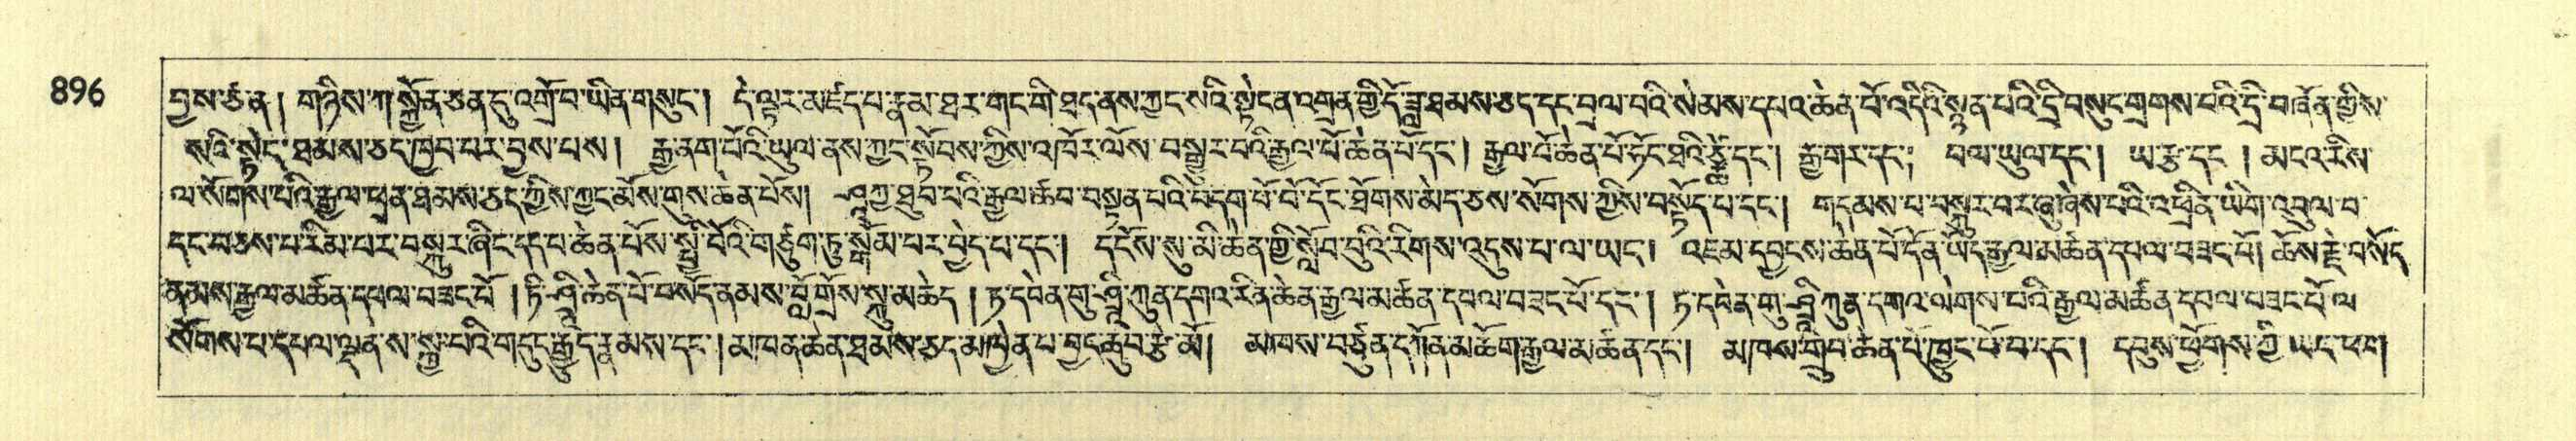བྱས་ཙ་ན། གཉིས་ཀ་སྐྱོན་ཅན་དུ་འགྲོ་བ་ཡིན་གསུང་། དེ་ལྟར་མཛད་པ་རྣམ་ཐར་གང་གི་ཐད་ནས་ཀྱང་སའི་སྟེང་ན་འགྲན་གྱི་དོ་ཟླ་ཐམས་ཅད་དང་བྲལ་བའི་སེམས་དཔའ་ཆེན་པོ་འདིའི་སྙན་པའི་དྲི་བསུང་གྲགས་པའི་དིར་བཞོན་གྱིས་
སའི་སྟེང་ཐམས་ཅད་ཁྱབ་པར་བྱས་པས། རྒྱ་ནག་པོའི་ཡུལ་ནས་ཀྱང་སྟོབས་ཀྱིས་འཁོར་ལོས་བསྒྱུར་བའི་རྒྱལ་པོ་ཆེན་པོ་དང་། རྒྱལ་པོ་ཆེན་པོ་ཧོང་ཐའི་ཙྪེ་དང་། རྒྱ་གར་དང་། བླ་ཡུལ་དང་། ཡ་རྟ་དང་། མངའ་རིས་
ལ་སོགས་པའི་རྒྱལ་ཕྲན་ཐམས་ཅད་ཀྱིས་ཀྱང་མོས་གུས་ཆེན་པོས། ཤཱཀྱ་ཐུབ་པའི་རྒྱལ་ཚབ་བསྟན་པའི་བདག་པོ་བོ་དོང་ཐོགས་མེད་ཅས་སོགས་ཀྱིས་བསྟོད་པ་དང་། གདམས་པ་བསྐུར་བར་ཞུ་ཞེས་པའི་འཕྲིན་ཡིག་འབུལ་བ་
དང་བཅས་པ་རིམ་པར་བསྐུར་ཞིང་དད་པ་ཆེན་པོས་སྤྱི་བོར་འི་གཙུག་ཏུ་སྒོམ་པར་བྱེད་པ་དང་། དངོས་སུ་མི་ཆེན་གྱི་སློབ་བུའི་རིགས་འདུས་པ་ལ་ཡང་། འཇམ་དབྱངས་ཆེན་པོ་དོན་ཡོད་རྒྱལ་མཚན་དཔལ་བཟང་པོ། ཆོས་རྗེ་བསོད་
ནམས་རྒྱལ་མཚན་དཔལ་བཟང་པོ། །ཏི་ཤྲཱི་ཆེན་པོ་བསོད་ནམས་བློ་གྲོས་སྐུ་མཆེད། ཏ་དབེན་གུ་ཤྲཱི་ཀུན་དགའ་རིན་ཆེན་རྒྱལ་མ་ཚན་དཔལ་བཟང་པོ་དང་། ཏད་བེན་གུ་ཤྲཱི་ཀུན་དགའ་ལེགས་པའི་རྒྱལ་མཚན་དཔལ་བཟང་པོ་ལ་
སོགས་པ་དཔལ་ལྡན་ས་སྐྱ་པའི་གདུང་རྒྱུད་རྣམས་དང་། མཁན་ཆེན་ཐམས་ཅད་མཁྱེན་པ་བྱང་ཆུབ་རྩེ་མོ། མཁས་བཙུན་དཀོན་མཆོག་རྒྱལ་མཚན་དང་། མཁས་གྲུབ་ཆེན་པོ་ཁྱུང་པོ་བ་དང་། དབུས་ཕྱོགས་ཀྱི་ཡང་ཕག་